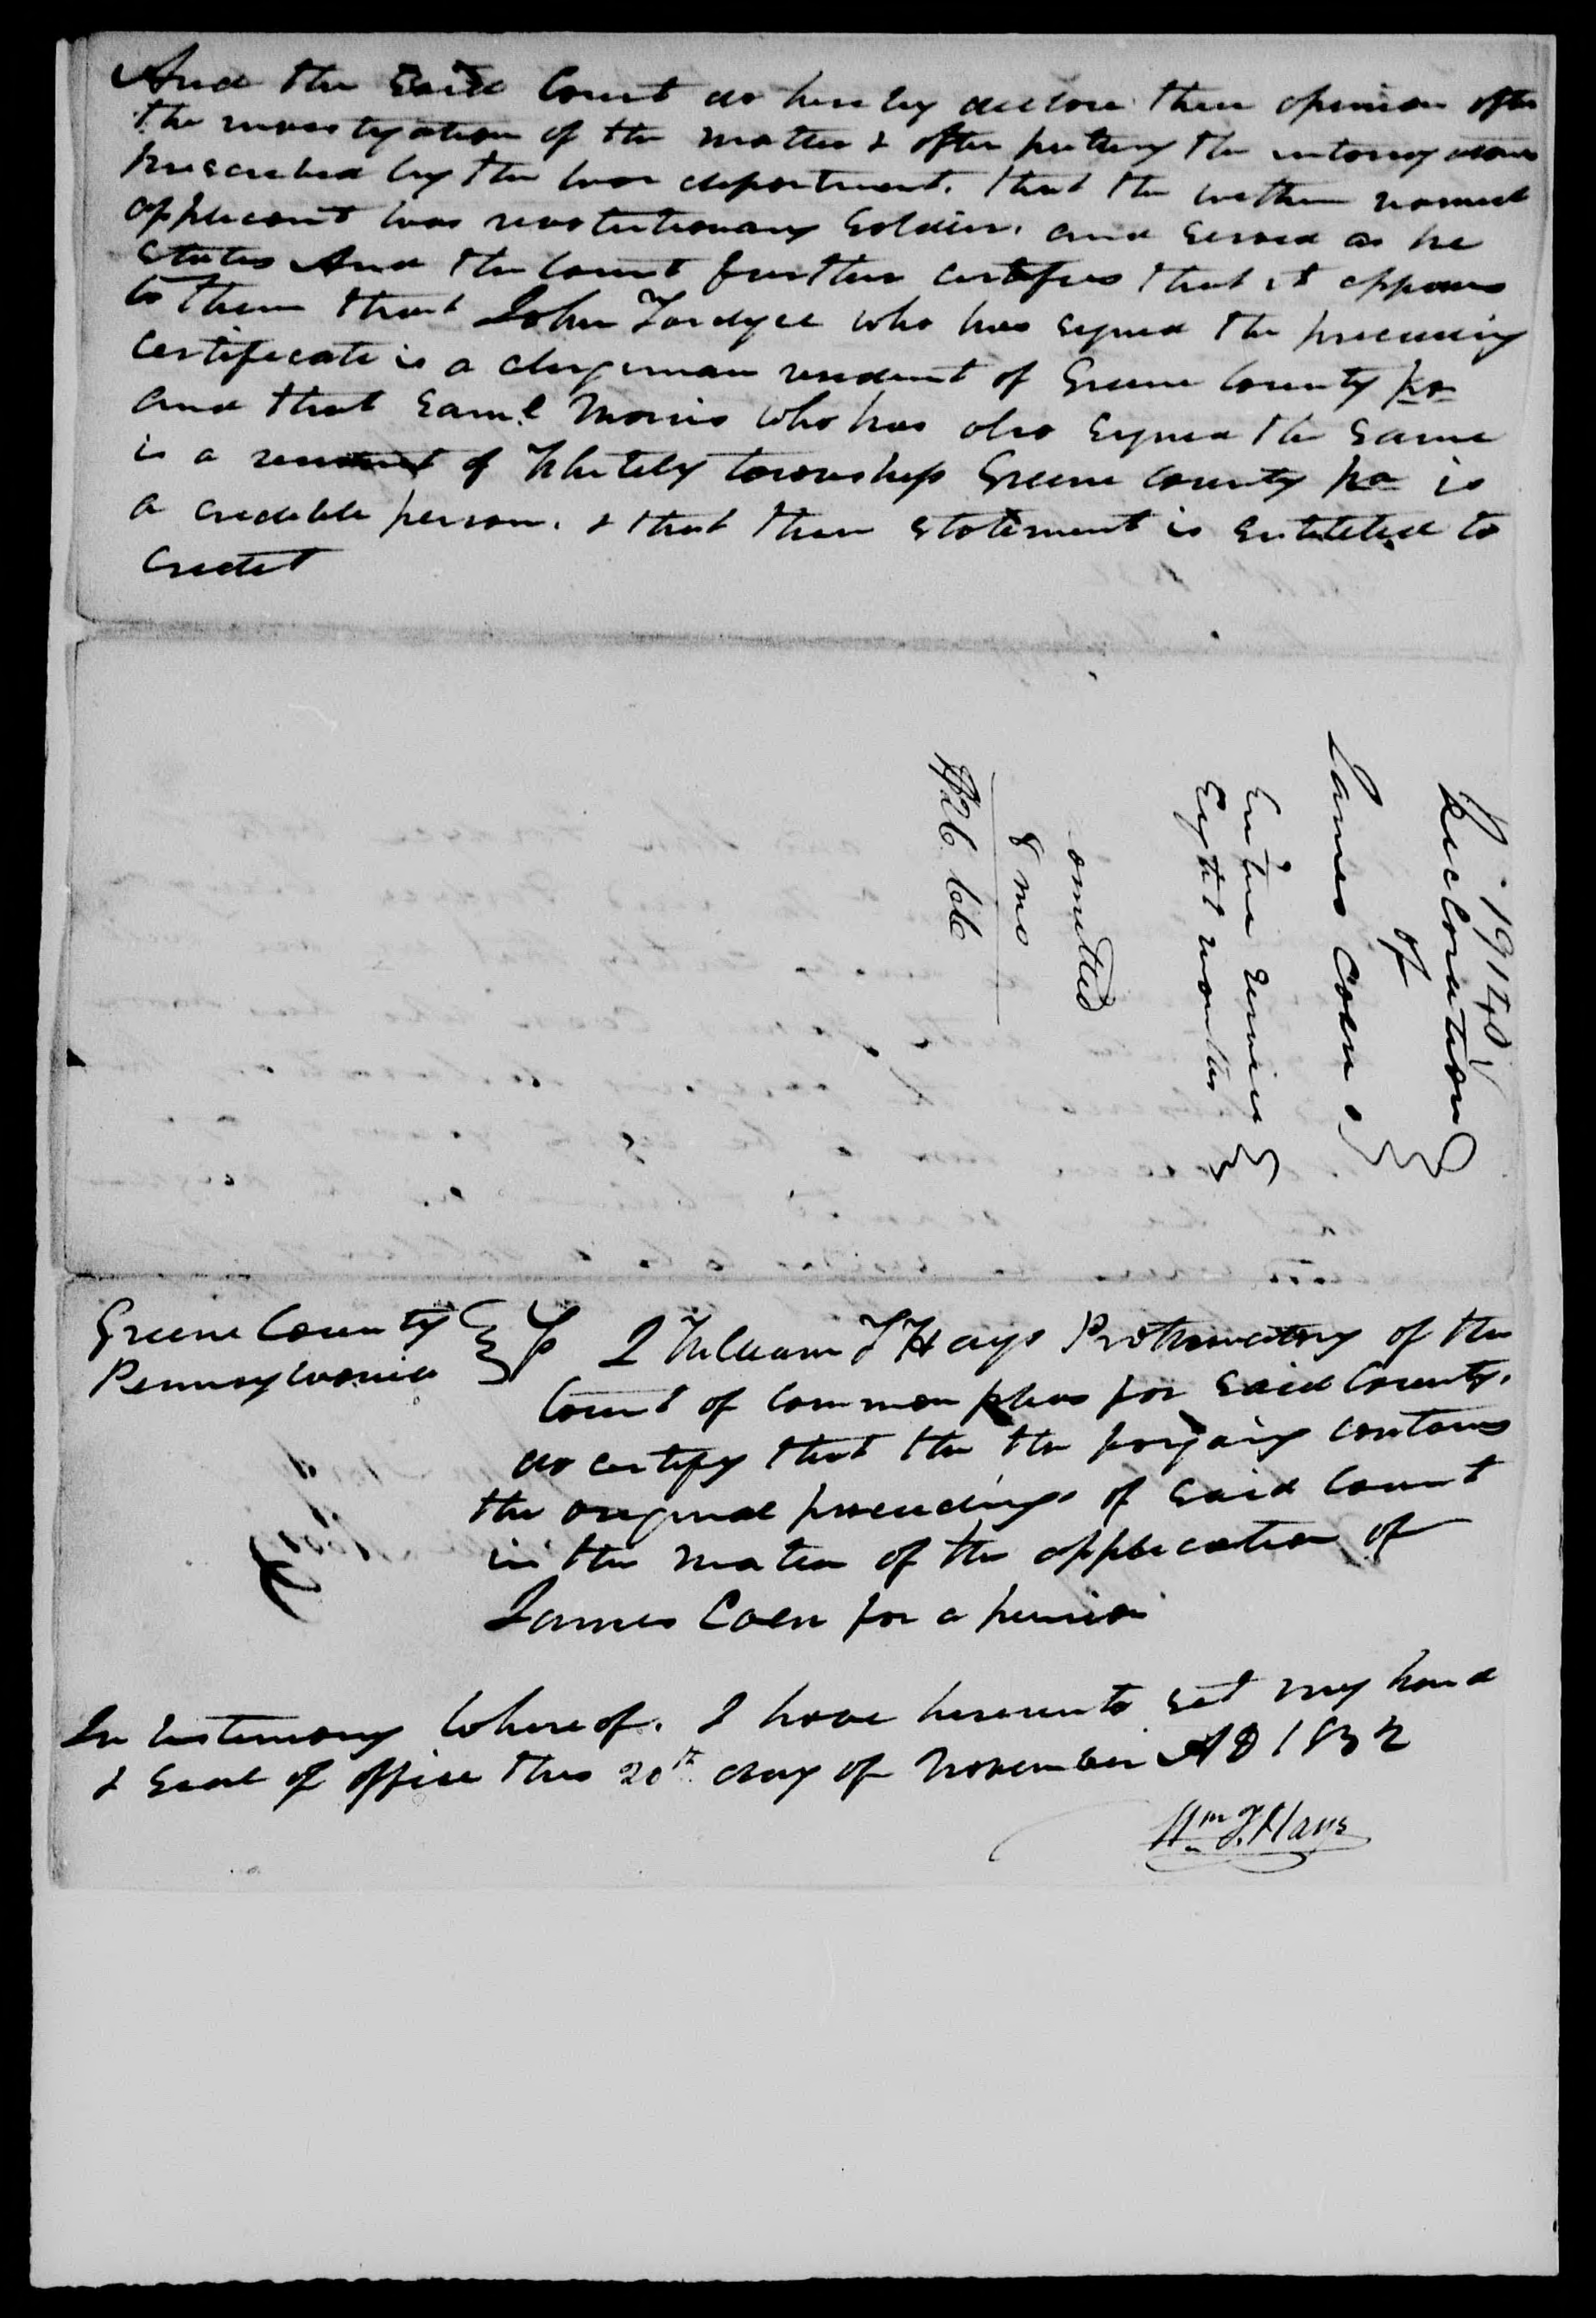And the said court do hereby declare there opinion after
 the (illegible) of the matter & after (illegible)
prescribed by the war department, that the written named
applicant was revolutionary soldier and served as he
states and the court further certifies that it appears
to them that John Fordyce who has signed the processing
certificate is a clergyman resident of Greene County PA.
and that Saml. Morris who has also signed the same
is a resident of (illegible) township Greene County and is
a credible person & that their statement is entitled to
credit

19,140
?
of
James Coen
Committed
8 mos
$26.66

Greene County
Pennsylvania.   SS
I William L. Hayes Prothonotary of the
Court of Common Pleas for said county,
do certify that the forgoing contains
the original proceedings of said court
in the matter of the application of
James Coen for a pension.
In testimony whereof I have hereunto set my hand & seal of office this 20th day of November A. D. 1832
Wm. T Hays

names: James Coen, Saml Morris, William T Hays, Wm T Hays, John Fordyce, James Coen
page: 7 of 9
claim: survivor's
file: S. 2139, James Coen, Penn.